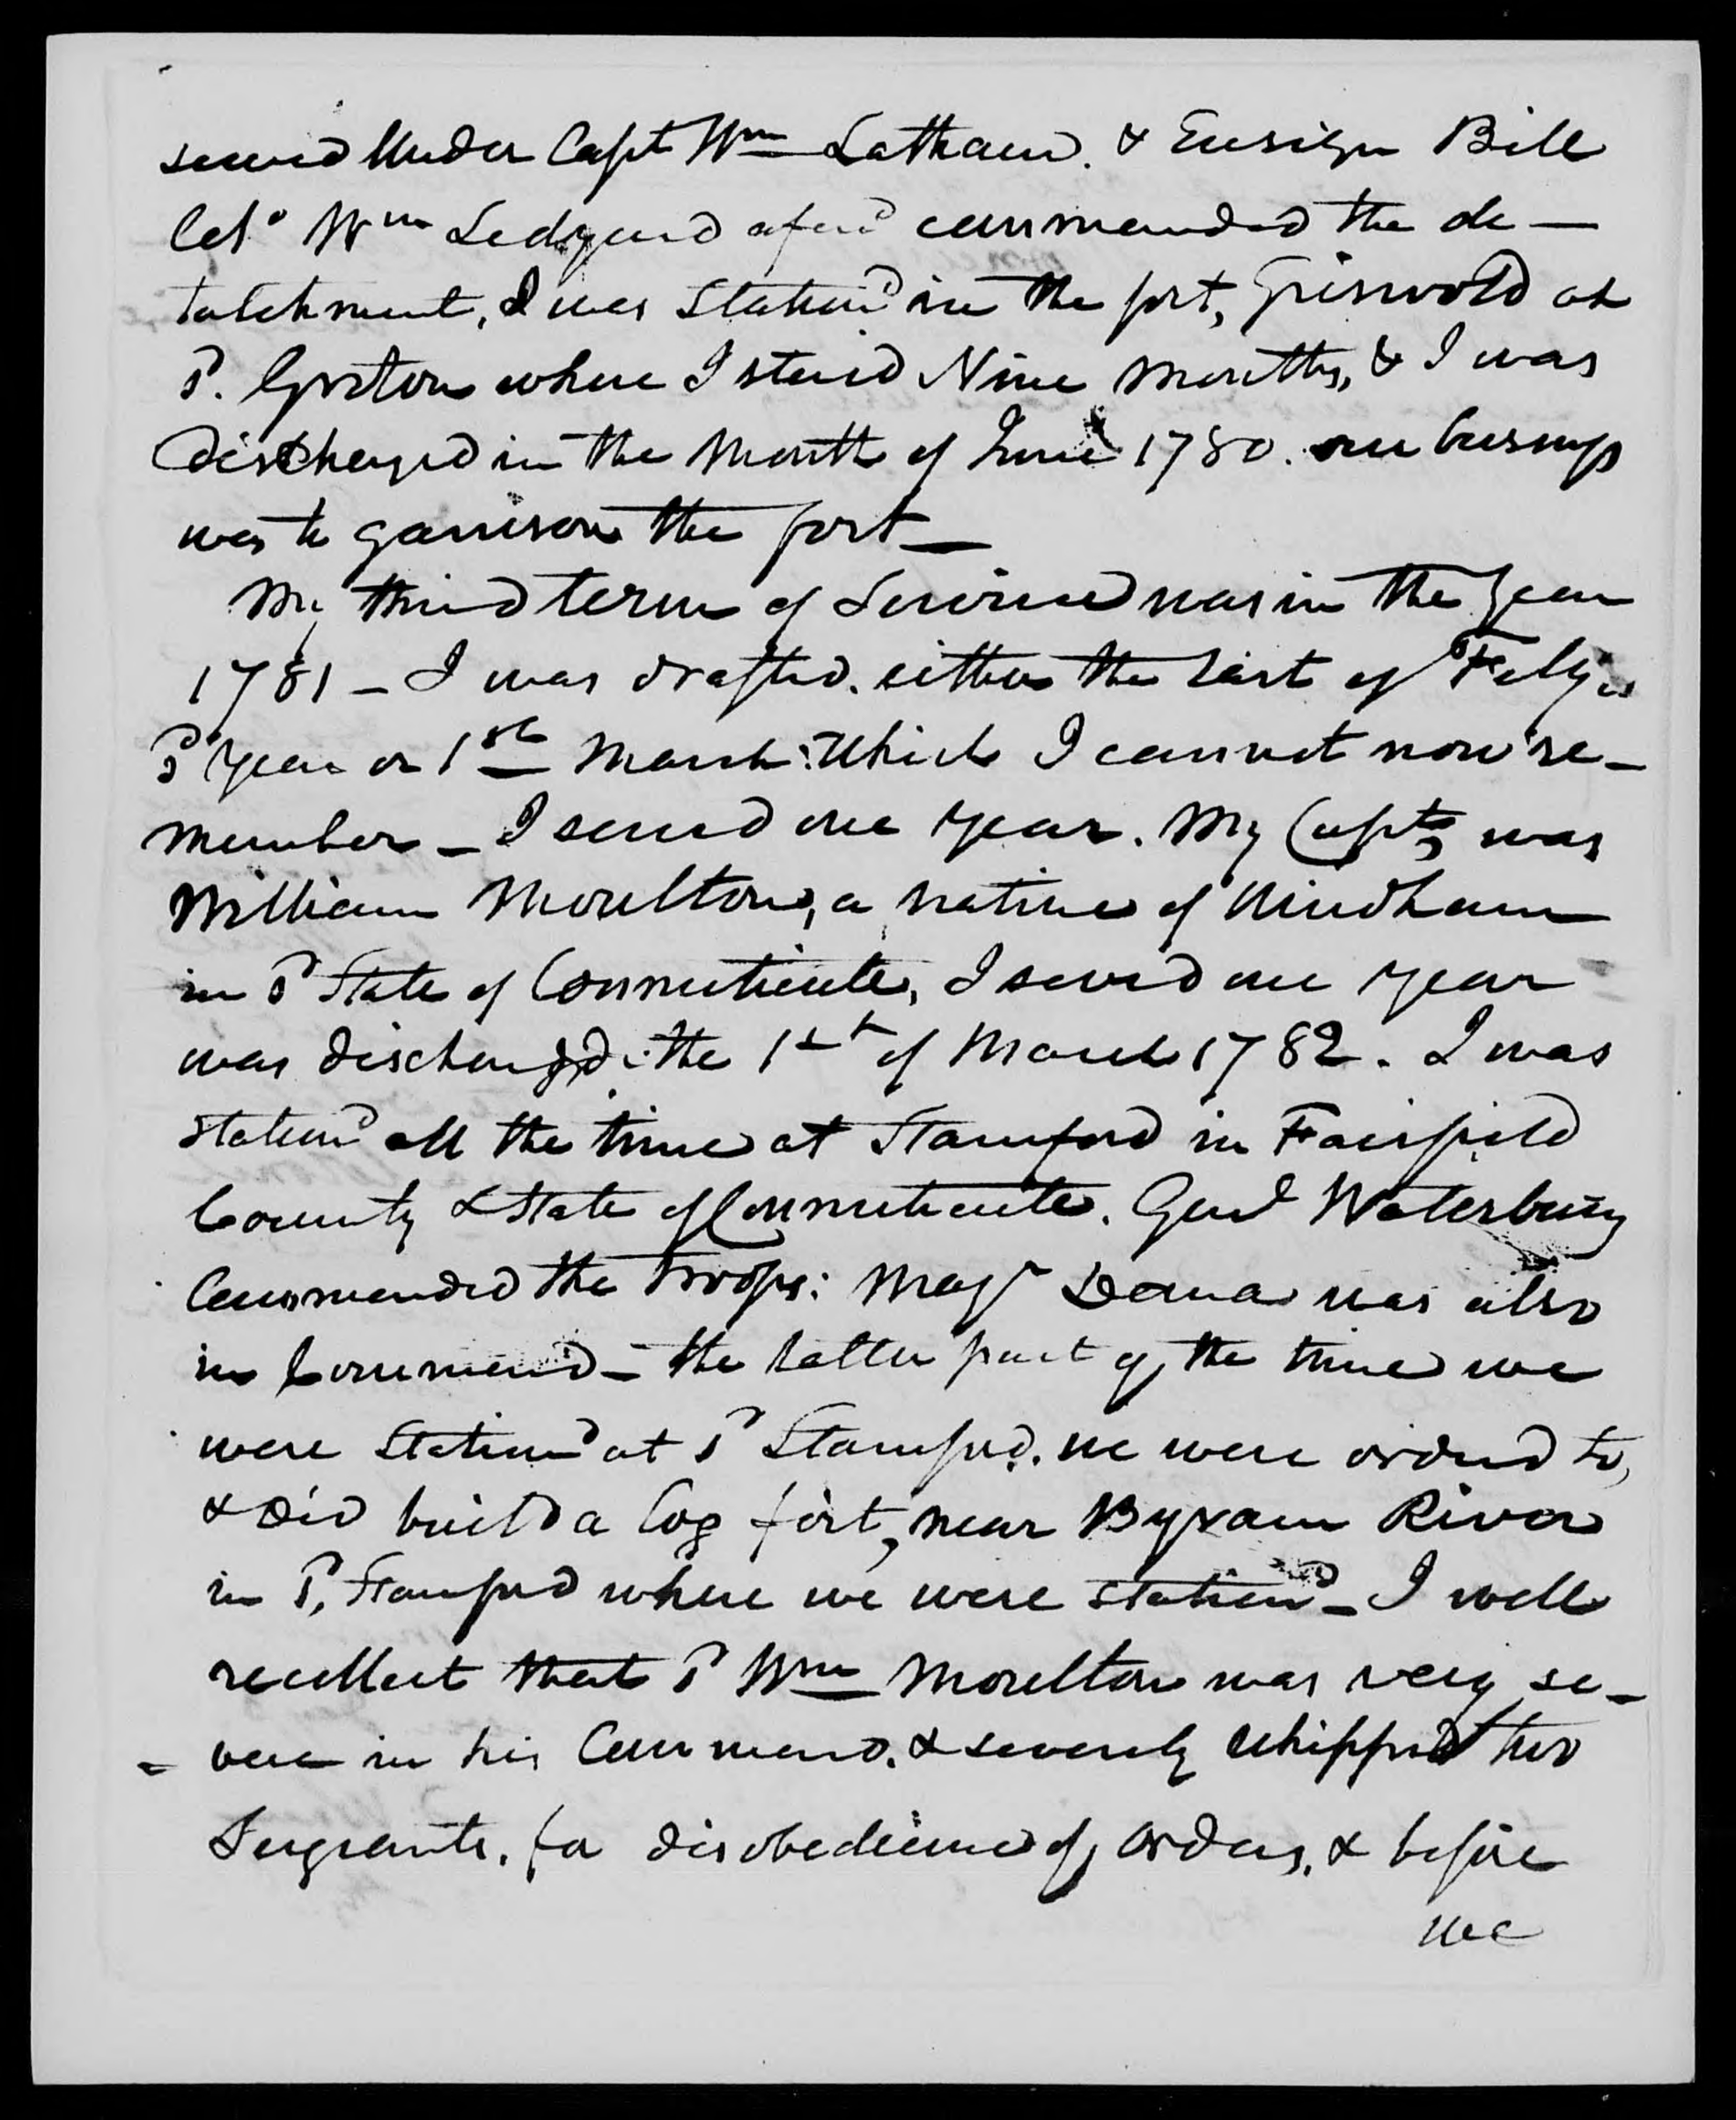served under Captain Wm. Latham & Ensign Bill. Col. Wm. Ledyard aforesaid commanded the detachment. I was stationed in the  Fort Griswold at said Groton where I stayed nine months & I was discharged in the month of June 1780. [illegible] was to garrison the fort.

My third term of service was in the year 1781. I was drafted. It was the last of  February in said year or 1st of March; which I cannot now remember. I served one year. My captain was William Moulton, a native of Windham in said State of Connecticut. I served one year. Was discharged the 1st of March 1782. I was stationed all the time at Stanford in Fairfield County of State of Connecticut. General Waterbury commanded the troops. Major (Dana?) was also in command. The better part of the time we were stationed at said Stanford. We were ordered to, & did build a log fort, near Byram River in said Stanford where we were stationed. I well recollect that said Wm. Moulton was very severe in his command & severely whipped his sergeants for disobedience of orders & before we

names: Dana, Waterbury, Wm Ledyard, Wm Latham, William Moulton, Bill, Wm Moulton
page: 10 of 50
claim: survivor's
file: S 10607, Jabez Edwards, Conn.